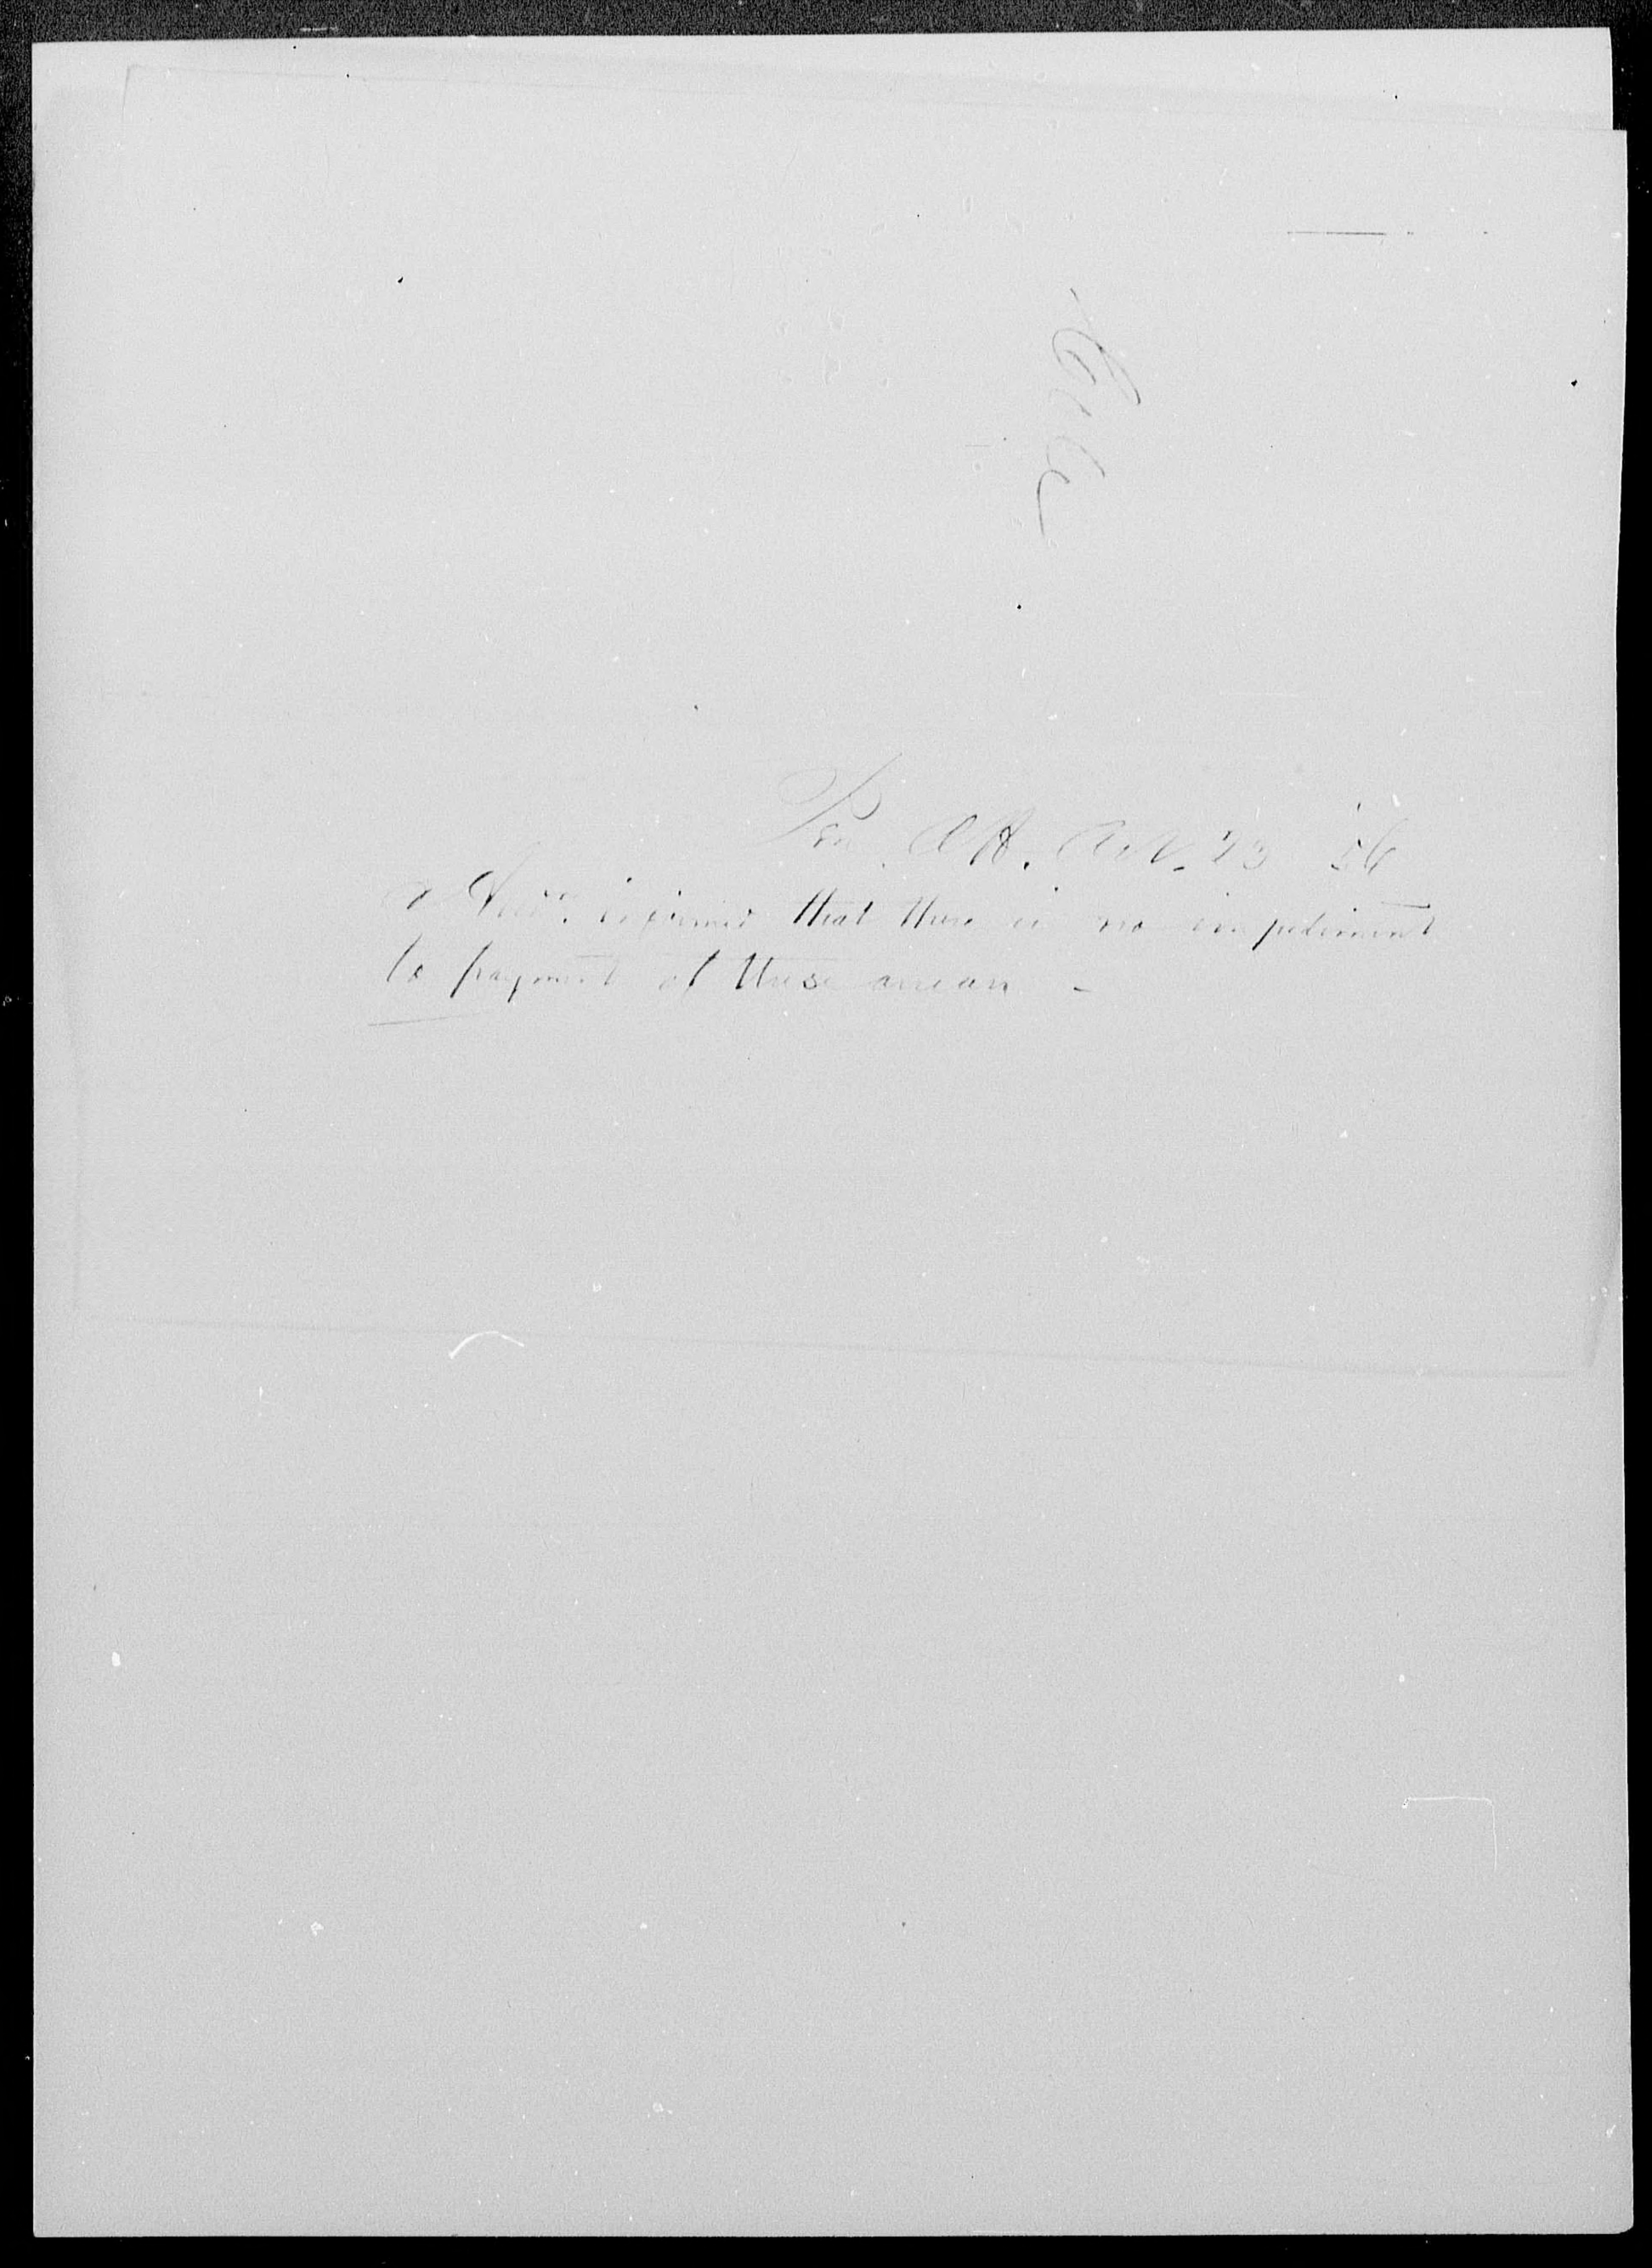[written sideways] Cole

Per AB. Act 23 56 Auditor informed that there is no impediment to payment of this arrears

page: 13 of 21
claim: survivor's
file: S. 2,371, William Berry, Va.